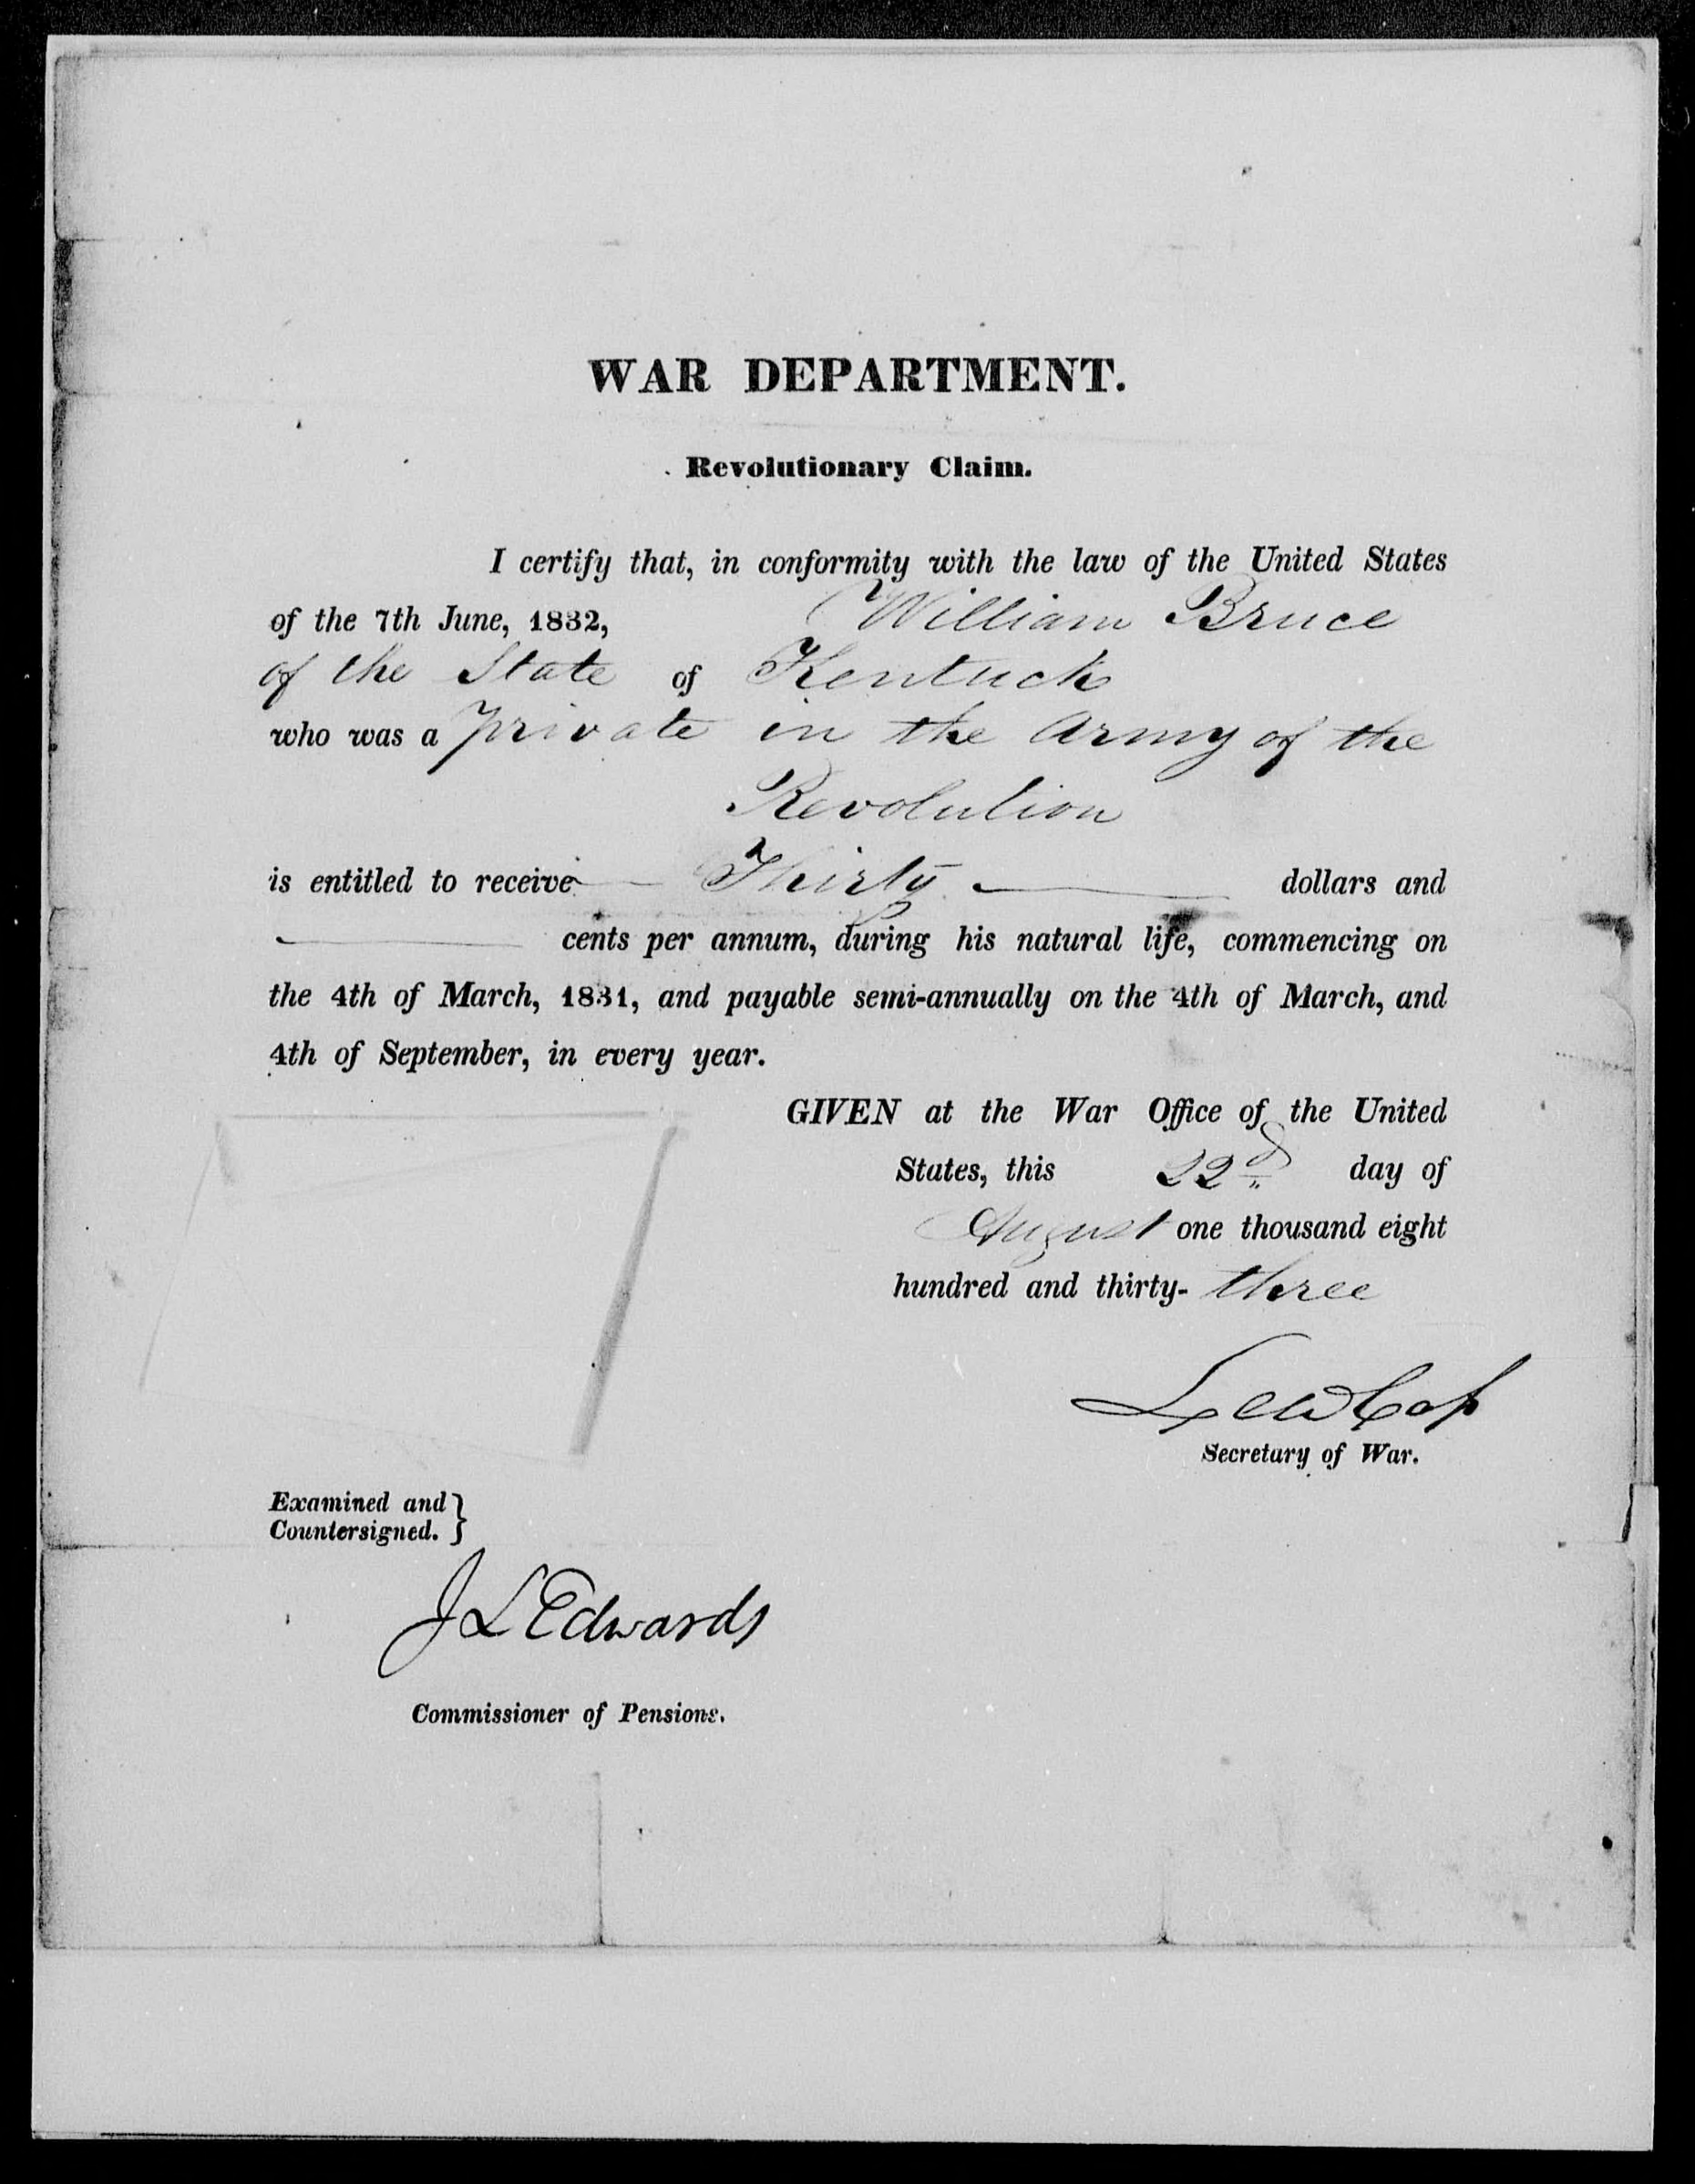[typed form, with handwritten responses]

WAR DEPARTMENT. 

Revolutionary Claim. 

I certify that, in conformity with the law of the United States of the 7th June, 1832, William Bruce of the State of Kentucky who was a private in the Army of the Revolution is entitled to receive ---Thirty ---dollars ---- and cents per annum, during his natural lie, commencing on the 4th of March, 1831, and payable semi-annually on the 4th of March, and 4th of September, in every year. 

GIVEN at the War Office of the United States, this 22nd day of August one thousand eight hundred and thirty three 
Lew Cass 
Secretary of War.

Examined and}
Countersigned.} 
J L Edwards 
Commissioner of Pensions.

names: William Bruce, J L Edwards, Lew Cass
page: 17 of 54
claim: survivor's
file: S. 30287, William Bruce, N.C.